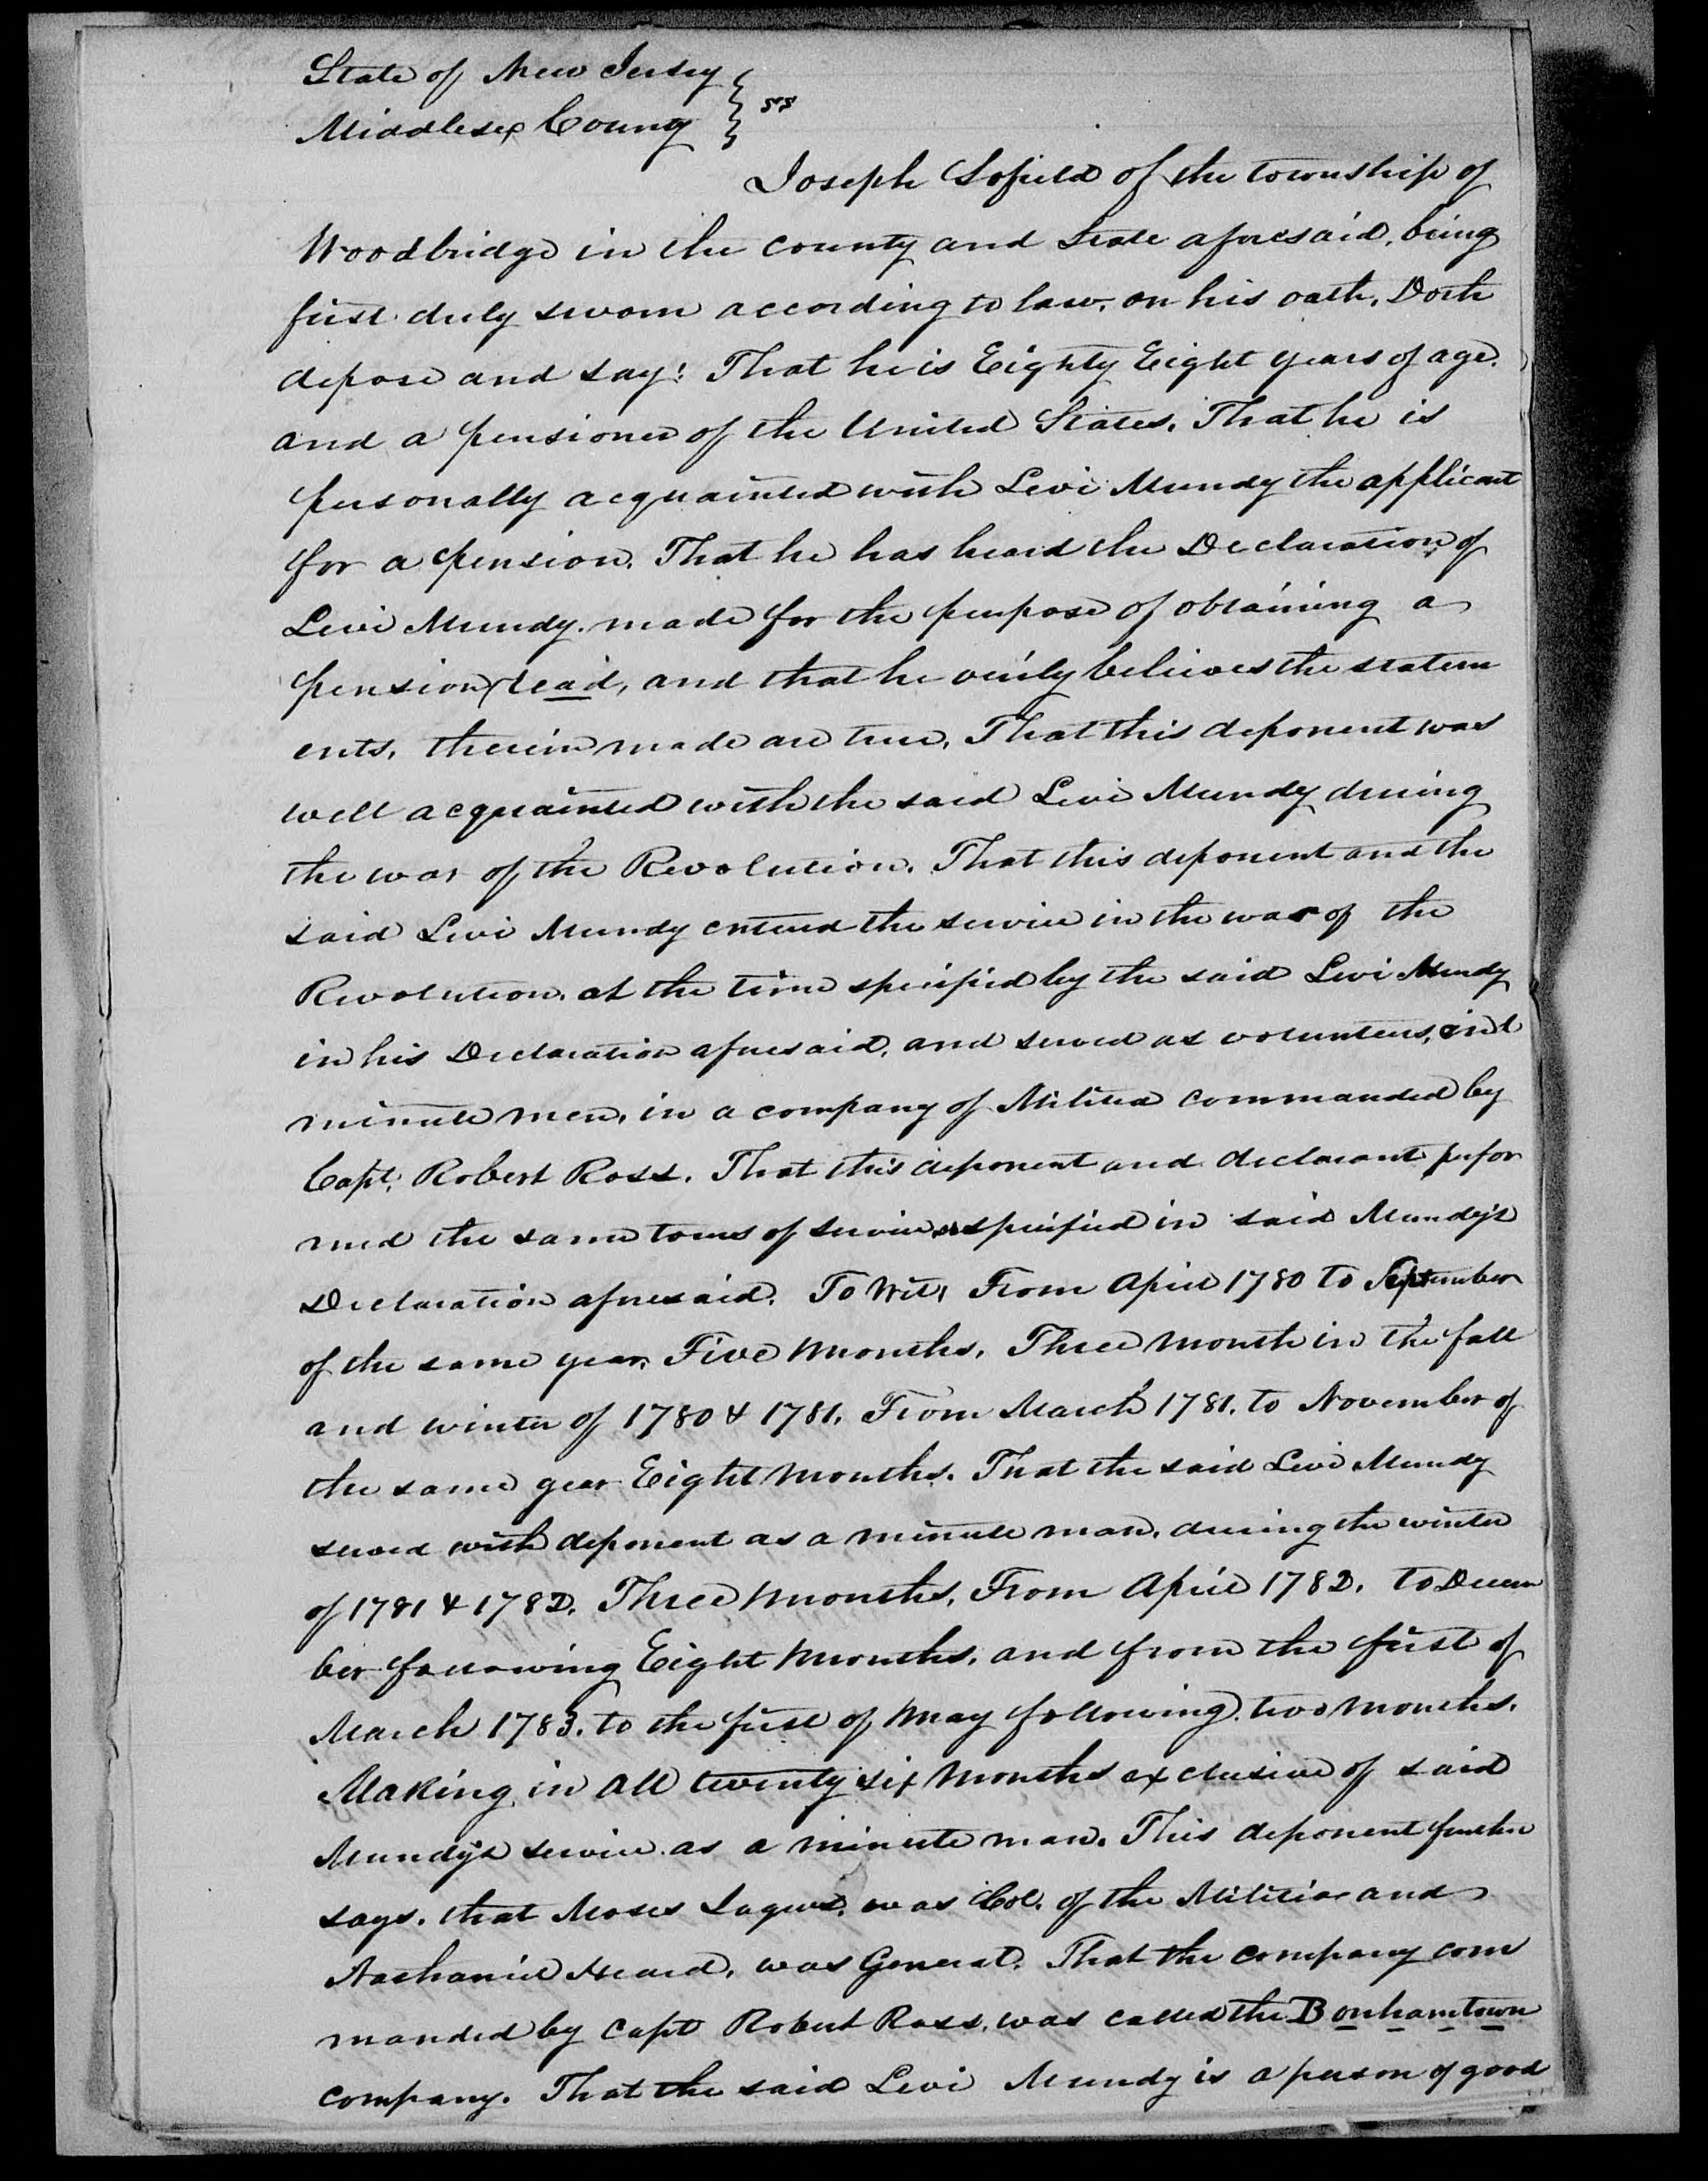State of New Jersey
Middlesex County//

Joseph Sofield, of the Township of Woodbridge in the County and State aforesaid, being first duly sworn according to law, on his oath, doth depose and say: That he is Eighty eight years of age and a pensioner of the United States. That he is personally acquainted with Levi Mundy, the applicant for a pension. That he has heard the declaration of Levi Mundy made for the purpose of obtaining a pension & read, and that he verily believes the statements therein made are true. That this deponent was well acquainted with the said Levi Mundy during the War of the Revolution. That this deponent and the said Levi Mundy entered the service in the War of the Revolution at the time specified by the said Levi Mundy in his declaration aforesaid and served as volunteers and Minutemen in a company of Militia commanded by Capt. Robert Ross. That this deponent and declarant performed the same tours of service as specified in said Mundy's declaration aforesaid. To wit, from April 1780 to September of the same year, five months. Three month in the fall and winter of 1780 & 1781. From March 1781 to November of the same year, eight months. That the said Levi Mundy served with deponent as a Minuteman during the winter
of 1781 & 1782. Three months, from April 1782 to December following, eight months, and from the first of March 1783 to the first of May following, two months. Making in all Twenty six months, exclusive of said Mundy's service as a Minuteman. This deponent further says that Moses Jacques was col(onel) of the militia and Nathaniel Heard was general. That the company commanded by Capt. Robert Ross was called the Bonhamtown Company. That the said Levi Mundy is a person of good...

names: Robert Ross; Joseph Sofield; Levi Mundy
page: 6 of 95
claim: survivor's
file: S 2889, for Levi Mundy, New Jersey